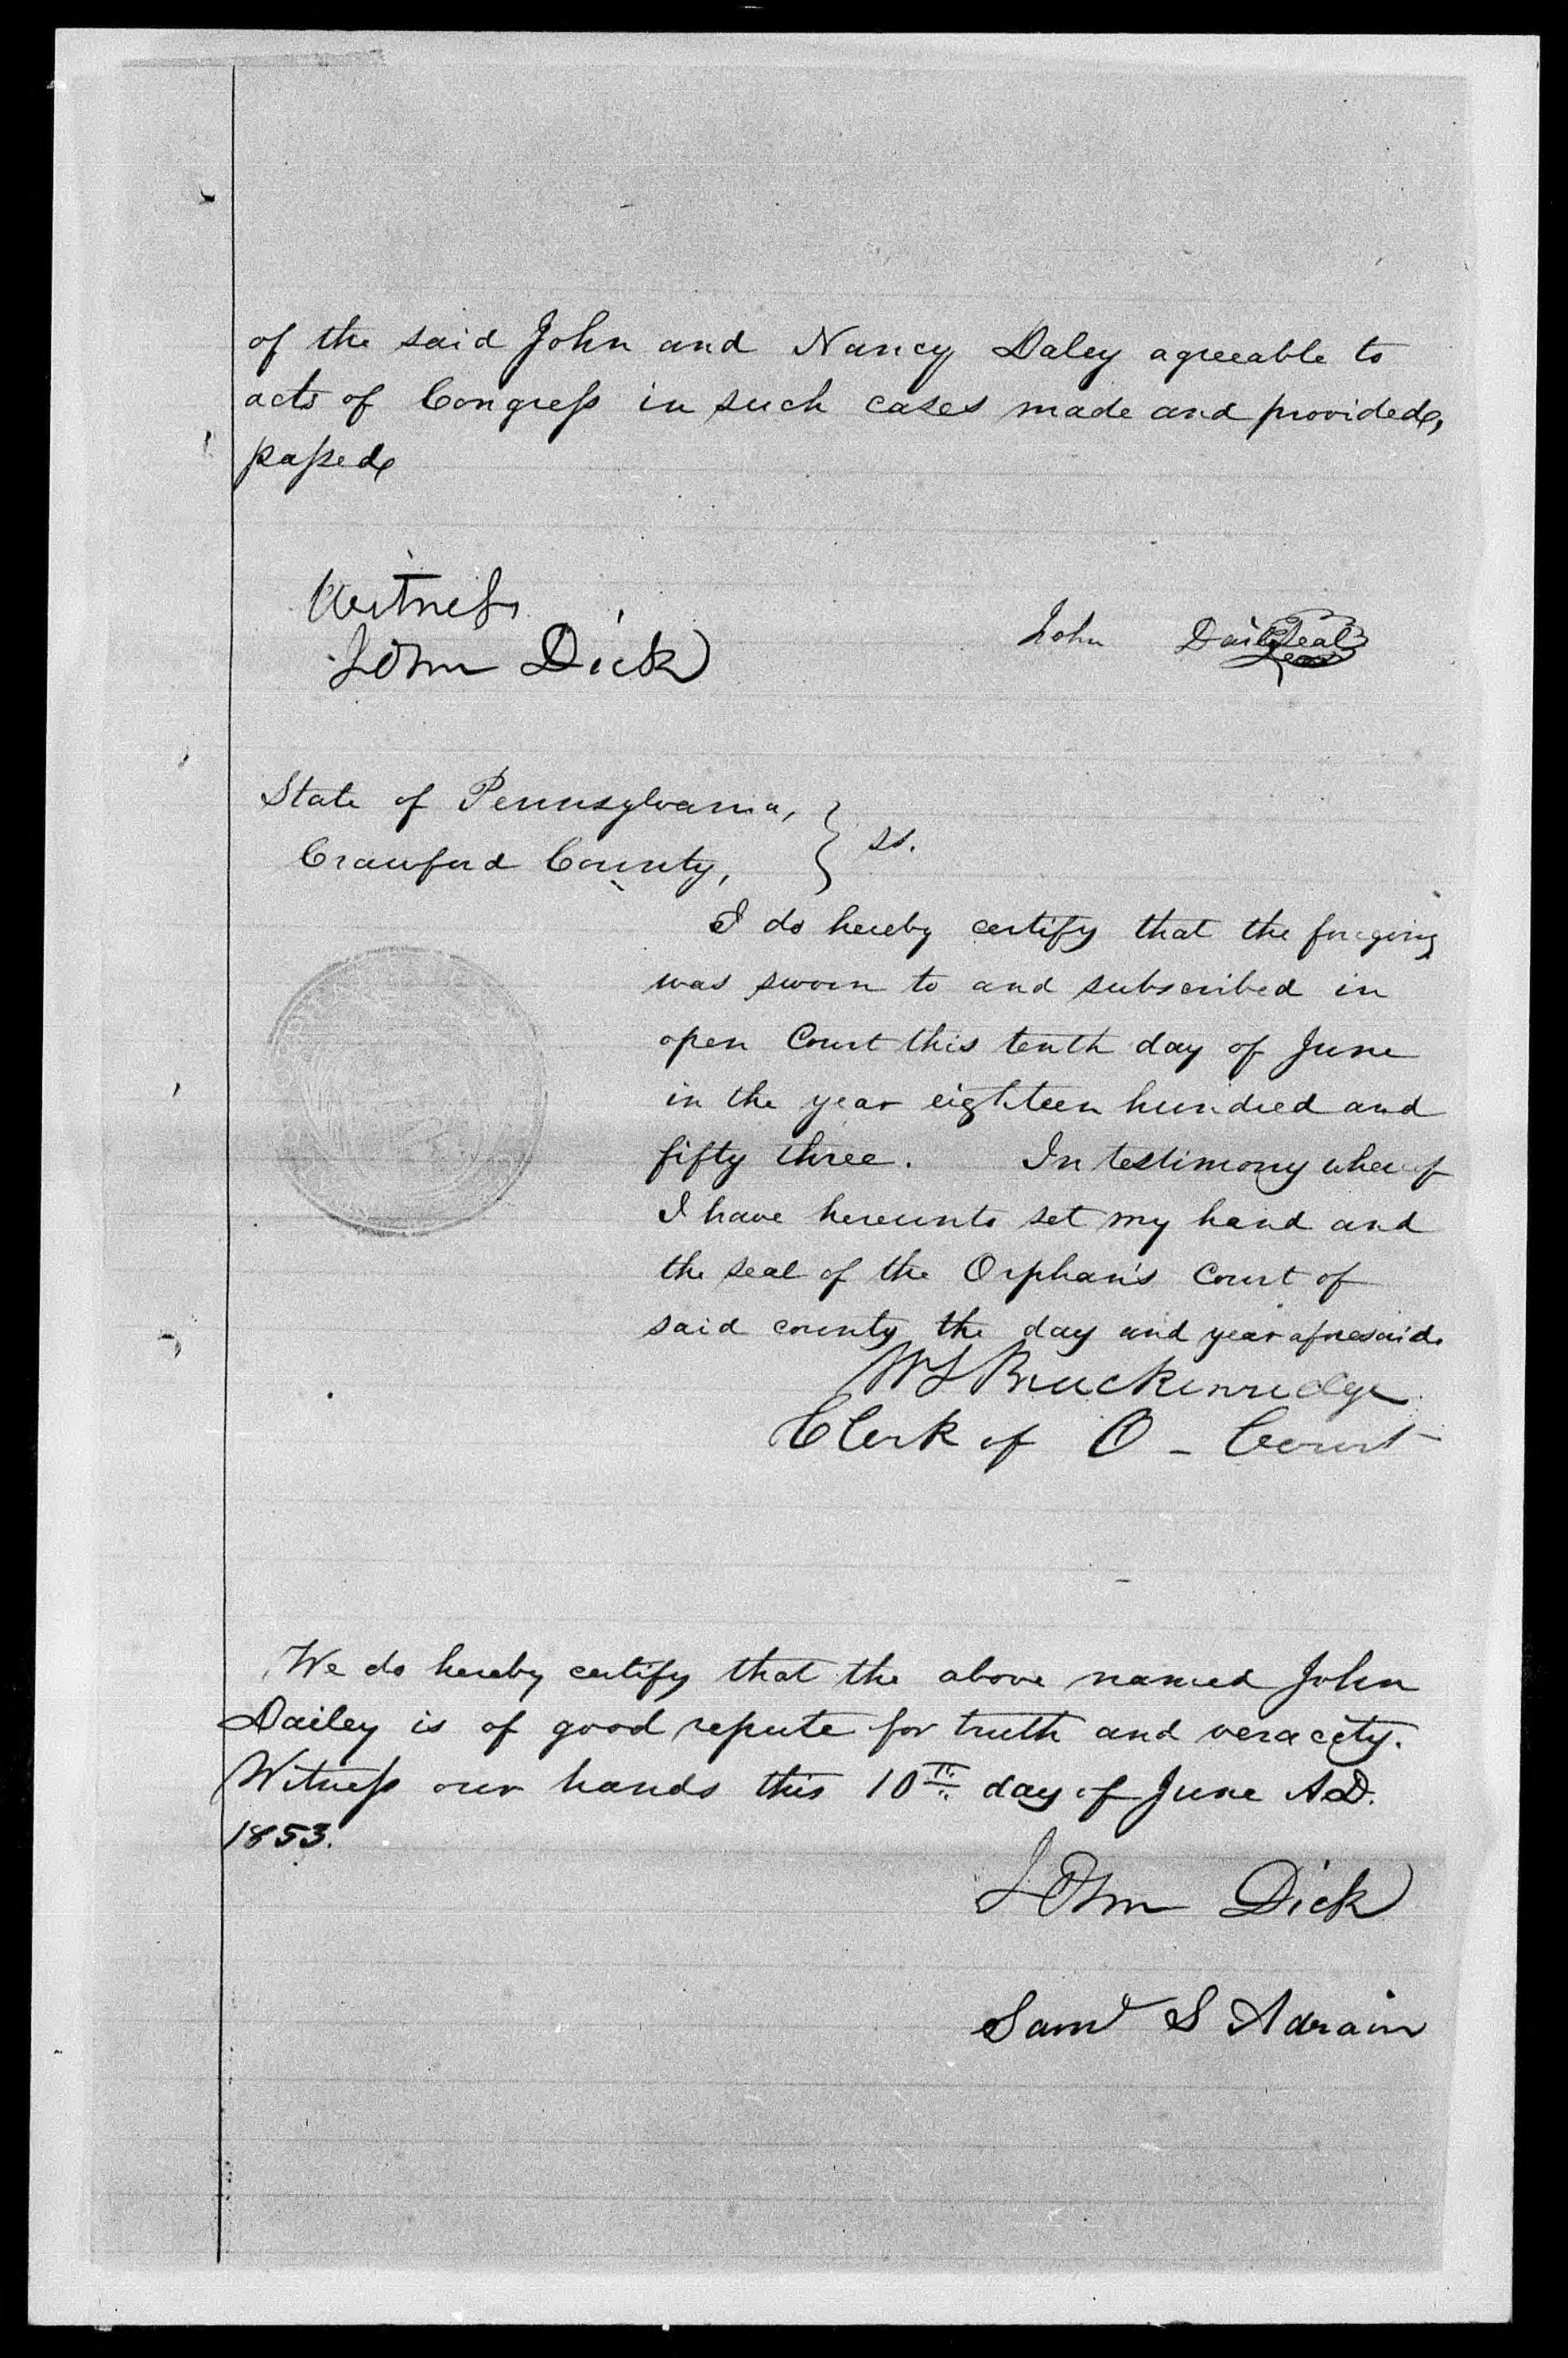of the said John and Nancy Daley agreeable to acts of Congress in such cases made and provided papers.
Witness
{signed} John Dick
{signed} John Dailey {handwritten seal}

State of Pennsylvania
Crawford County
{stamped seal on left margin}
I do hereby certify that the foregoing was sworn to and subscribed in open court this tenth day of June in the year eighteen hundred and fifty three. In testimony whereof I have hereunto set my hand and the seal of the Orphan's Court of said county the day and year aforesaid.
{signed} WL Brackenridge
Clerk of O Court

We do hereby certify that the above named John Dailey is of good repute for truth and veracity. Witness our hands this 10th day of June AD 1853.
{signed} John Dick
{signed} Sam S Adrain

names: John Dick, Nancy Daley, John Daley, John Dailey, Saml S Adrain, John Daily, John Dick, W L Brackenridge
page: 13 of 63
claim: widow's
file: W. 3228, John Daly, Penn.